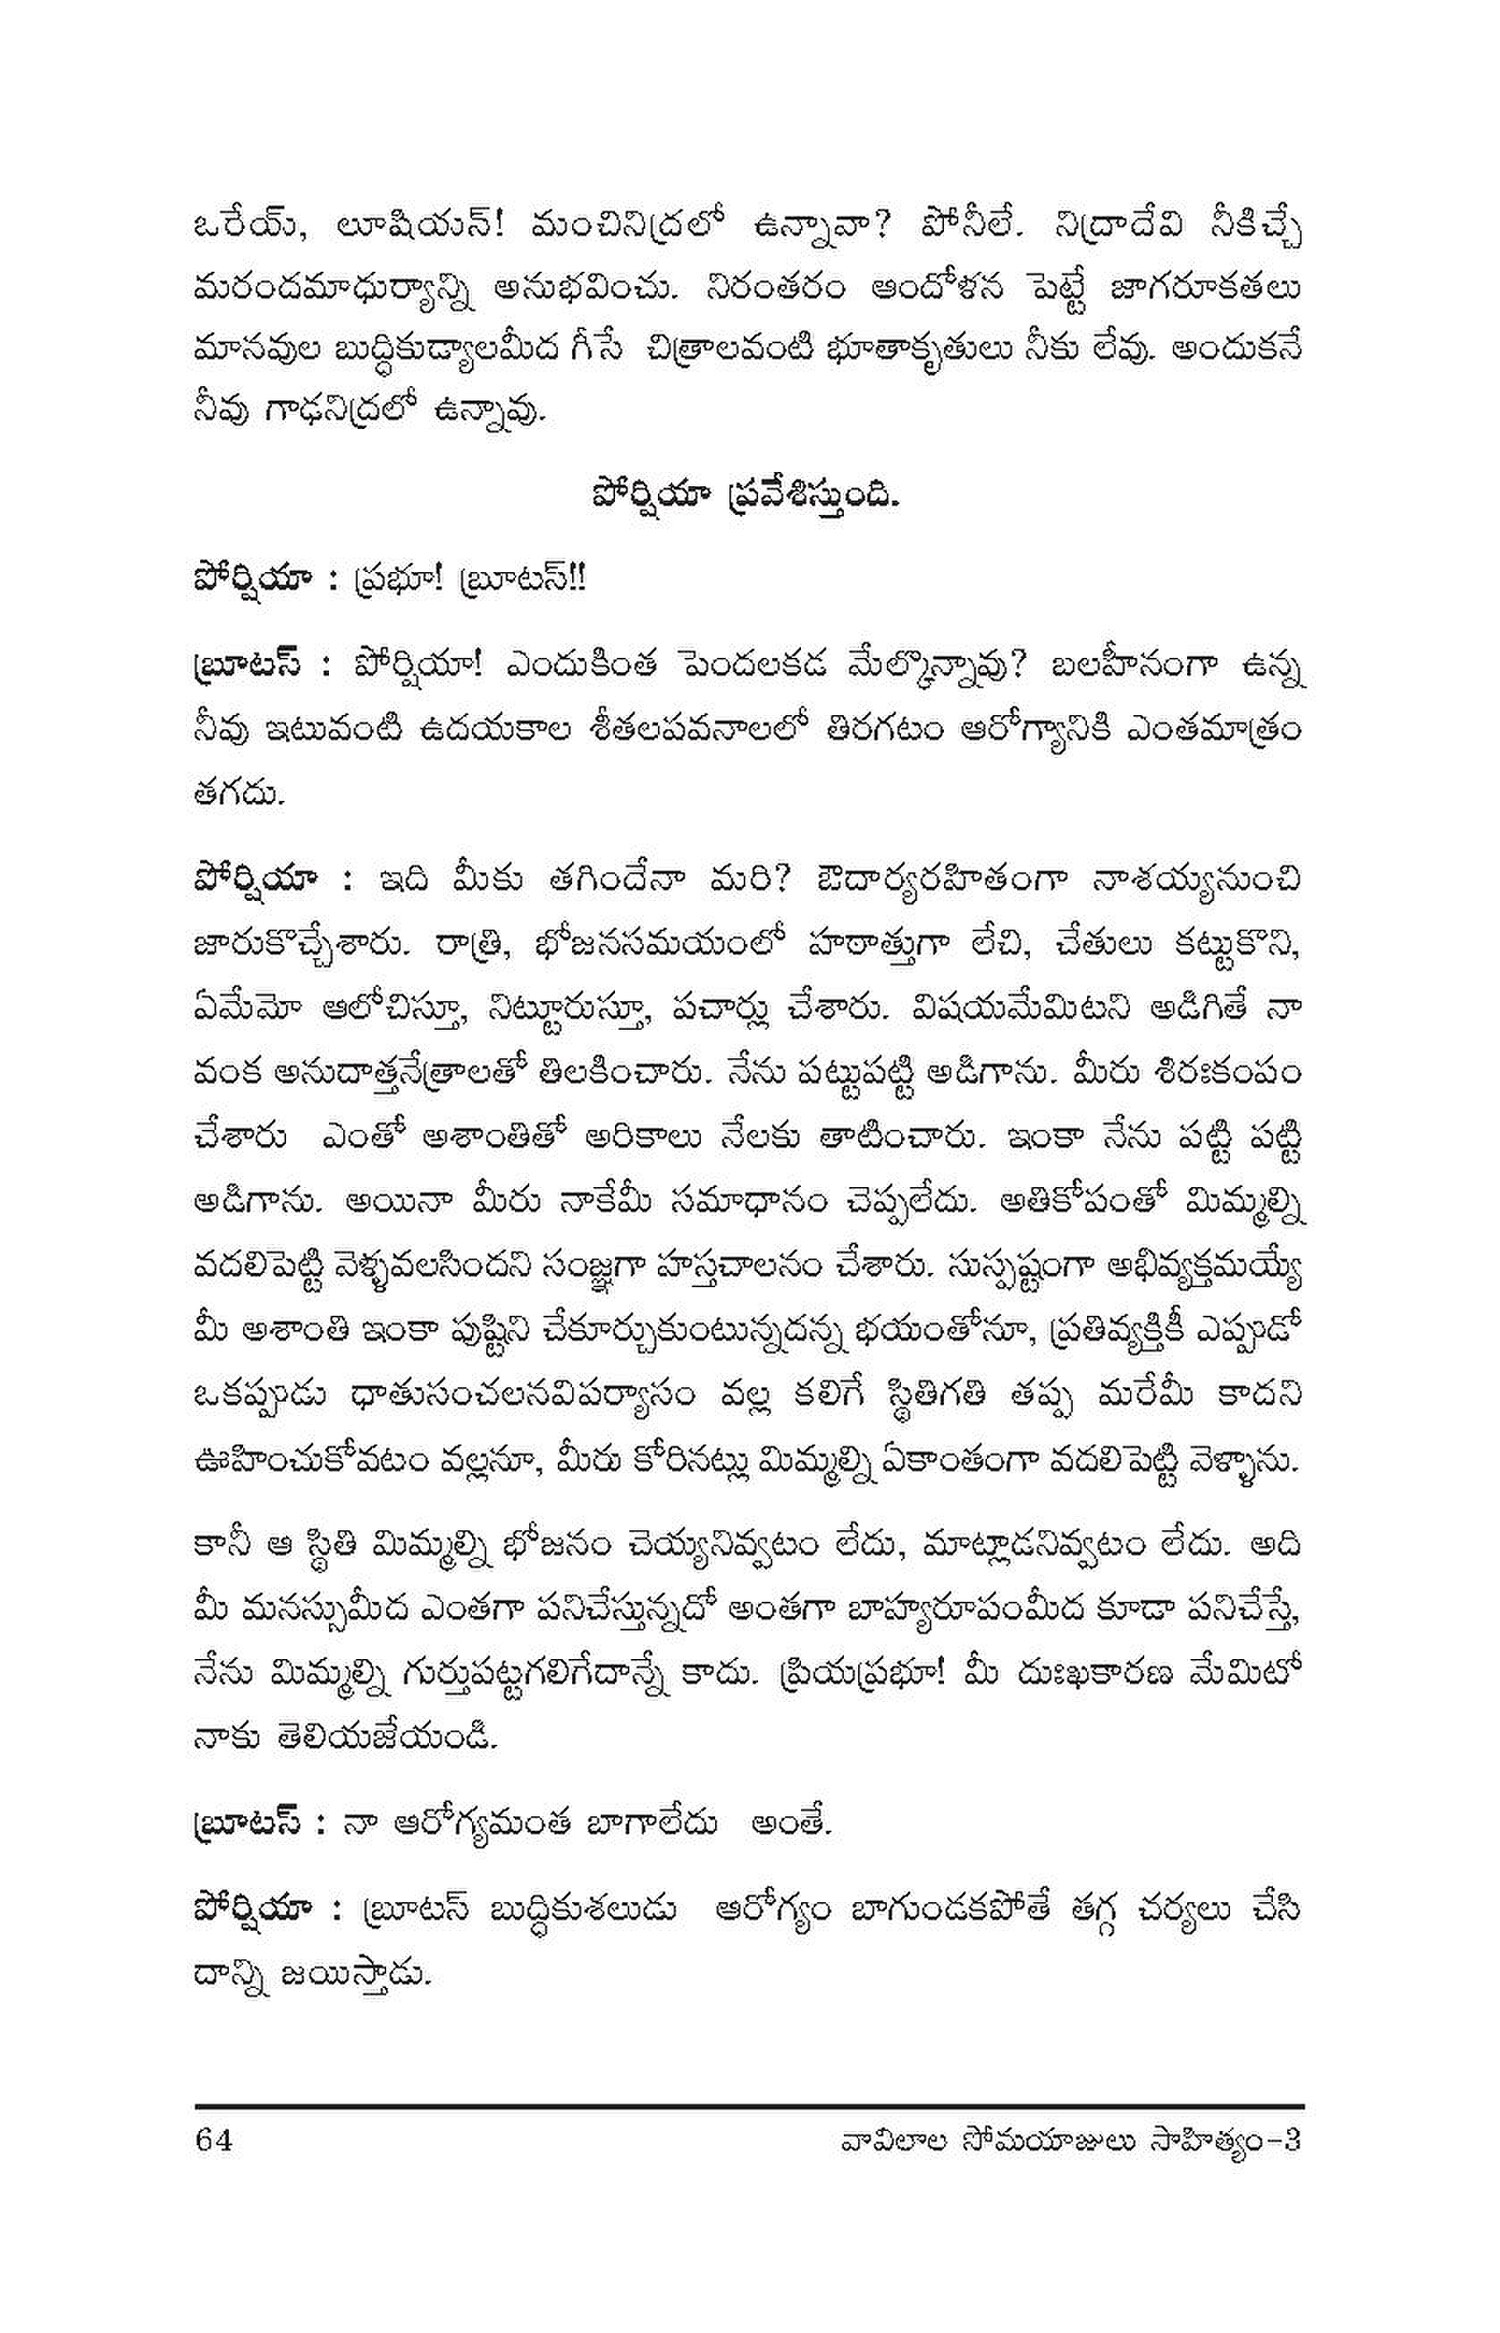ఒరేయ్, లూషియన్! మంచినిద్రలో ఉన్నావా? పోనీలే. నిద్రాదేవి నీకిచ్చే మరందమాధుర్యాన్ని అనుభవించు. నిరంతరం ఆందోళన పెట్టే జాగరూకతలు మానవుల బుద్ధికుడ్యాలమీద గీసే చిత్రాలవంటి భూతాకృతులు నీకు లేవు. అందుకనే
నీవు గాఢనిద్రలో ఉన్నావు.

పోర్షియా : ప్రభూ! బ్రూటస్!!

బ్రూటస్ : పోర్షియా! ఎందుకింత పెందలకడ మేల్కొన్నావు? బలహీనంగా ఉన్న నీవు ఇటువంటి ఉదయకాల శీతలపవనాలలో తిరగటం ఆరోగ్యానికి ఎంతమాత్రం తగదు.

పోర్షియా : ఇది మీకు తగిందేనా మరి? ఔదార్యరహితంగా నాశయ్యనుంచి జారుకొచ్చేశారు. రాత్రి, భోజన సమయంలో హఠాత్తుగా లేచి, చేతులు కట్టుకొని, ఏమేమో ఆలోచిస్తూ, నిట్టూరుస్తూ, పచార్లు చేశారు. విషయమేమిటని అడిగితే నా వంక అనుదాత్తనేత్రాలతో తిలకించారు. నేను పట్టుపట్టి అడిగాను. మీరు శిరఃకంపం చేశారు ఎంతో అశాంతితో అరికాలు నేలకు తాటించారు. ఇంకా నేను పట్టి పట్టి అడిగాను. అయినా మీరు నాకేమీ సమాధానం చెప్పలేదు. అతి కోపంతో మిమ్మల్ని వదలిపెట్టి వెళ్ళవలసిందని సంజ్ఞగా హస్తచాలనం చేశారు. సుస్పష్టంగా అభివ్యక్తమయ్యే మీ అశాంతి ఇంకా పుష్టిని చేకూర్చుకుంటున్నదన్న భయంతోనూ, ప్రతివ్యక్తికీ ఎప్పుడో ఒకప్పుడు ధాతుసంచలన విపర్యాసం వల్ల కలిగే స్థితిగతి తప్ప మరేమీ కాదని ఊహించుకోవటం వల్లనూ, మీరు కోరినట్లు మిమ్మల్ని ఏకాంతంగా వదలిపెట్టి వెళ్ళాను.
కానీ ఆ స్థితి మిమ్మల్ని భోజనం చెయ్యనివ్వటం లేదు, మాట్లాడనివ్వటం లేదు. అది మీ మనస్సుమీద ఎంతగా పనిచేస్తున్నదో అంతగా బాహ్యరూపంమీద కూడా పనిచేస్తే, నేను మిమ్మల్ని గుర్తుపట్టగలిగేదాన్నే కాదు. ప్రియప్రభూ! మీ దుఃఖకారణ మేమిటో నాకు తెలియజేయండి.

బ్రూటస్ : నా ఆరోగ్యమంత బాగాలేదు అంతే.

పోర్షియా : బ్రూటస్ బుద్ధికుశలుడు ఆరోగ్యం బాగుండకపోతే తగ్గ చర్యలు చేసి దాన్ని జయిస్తాడు.